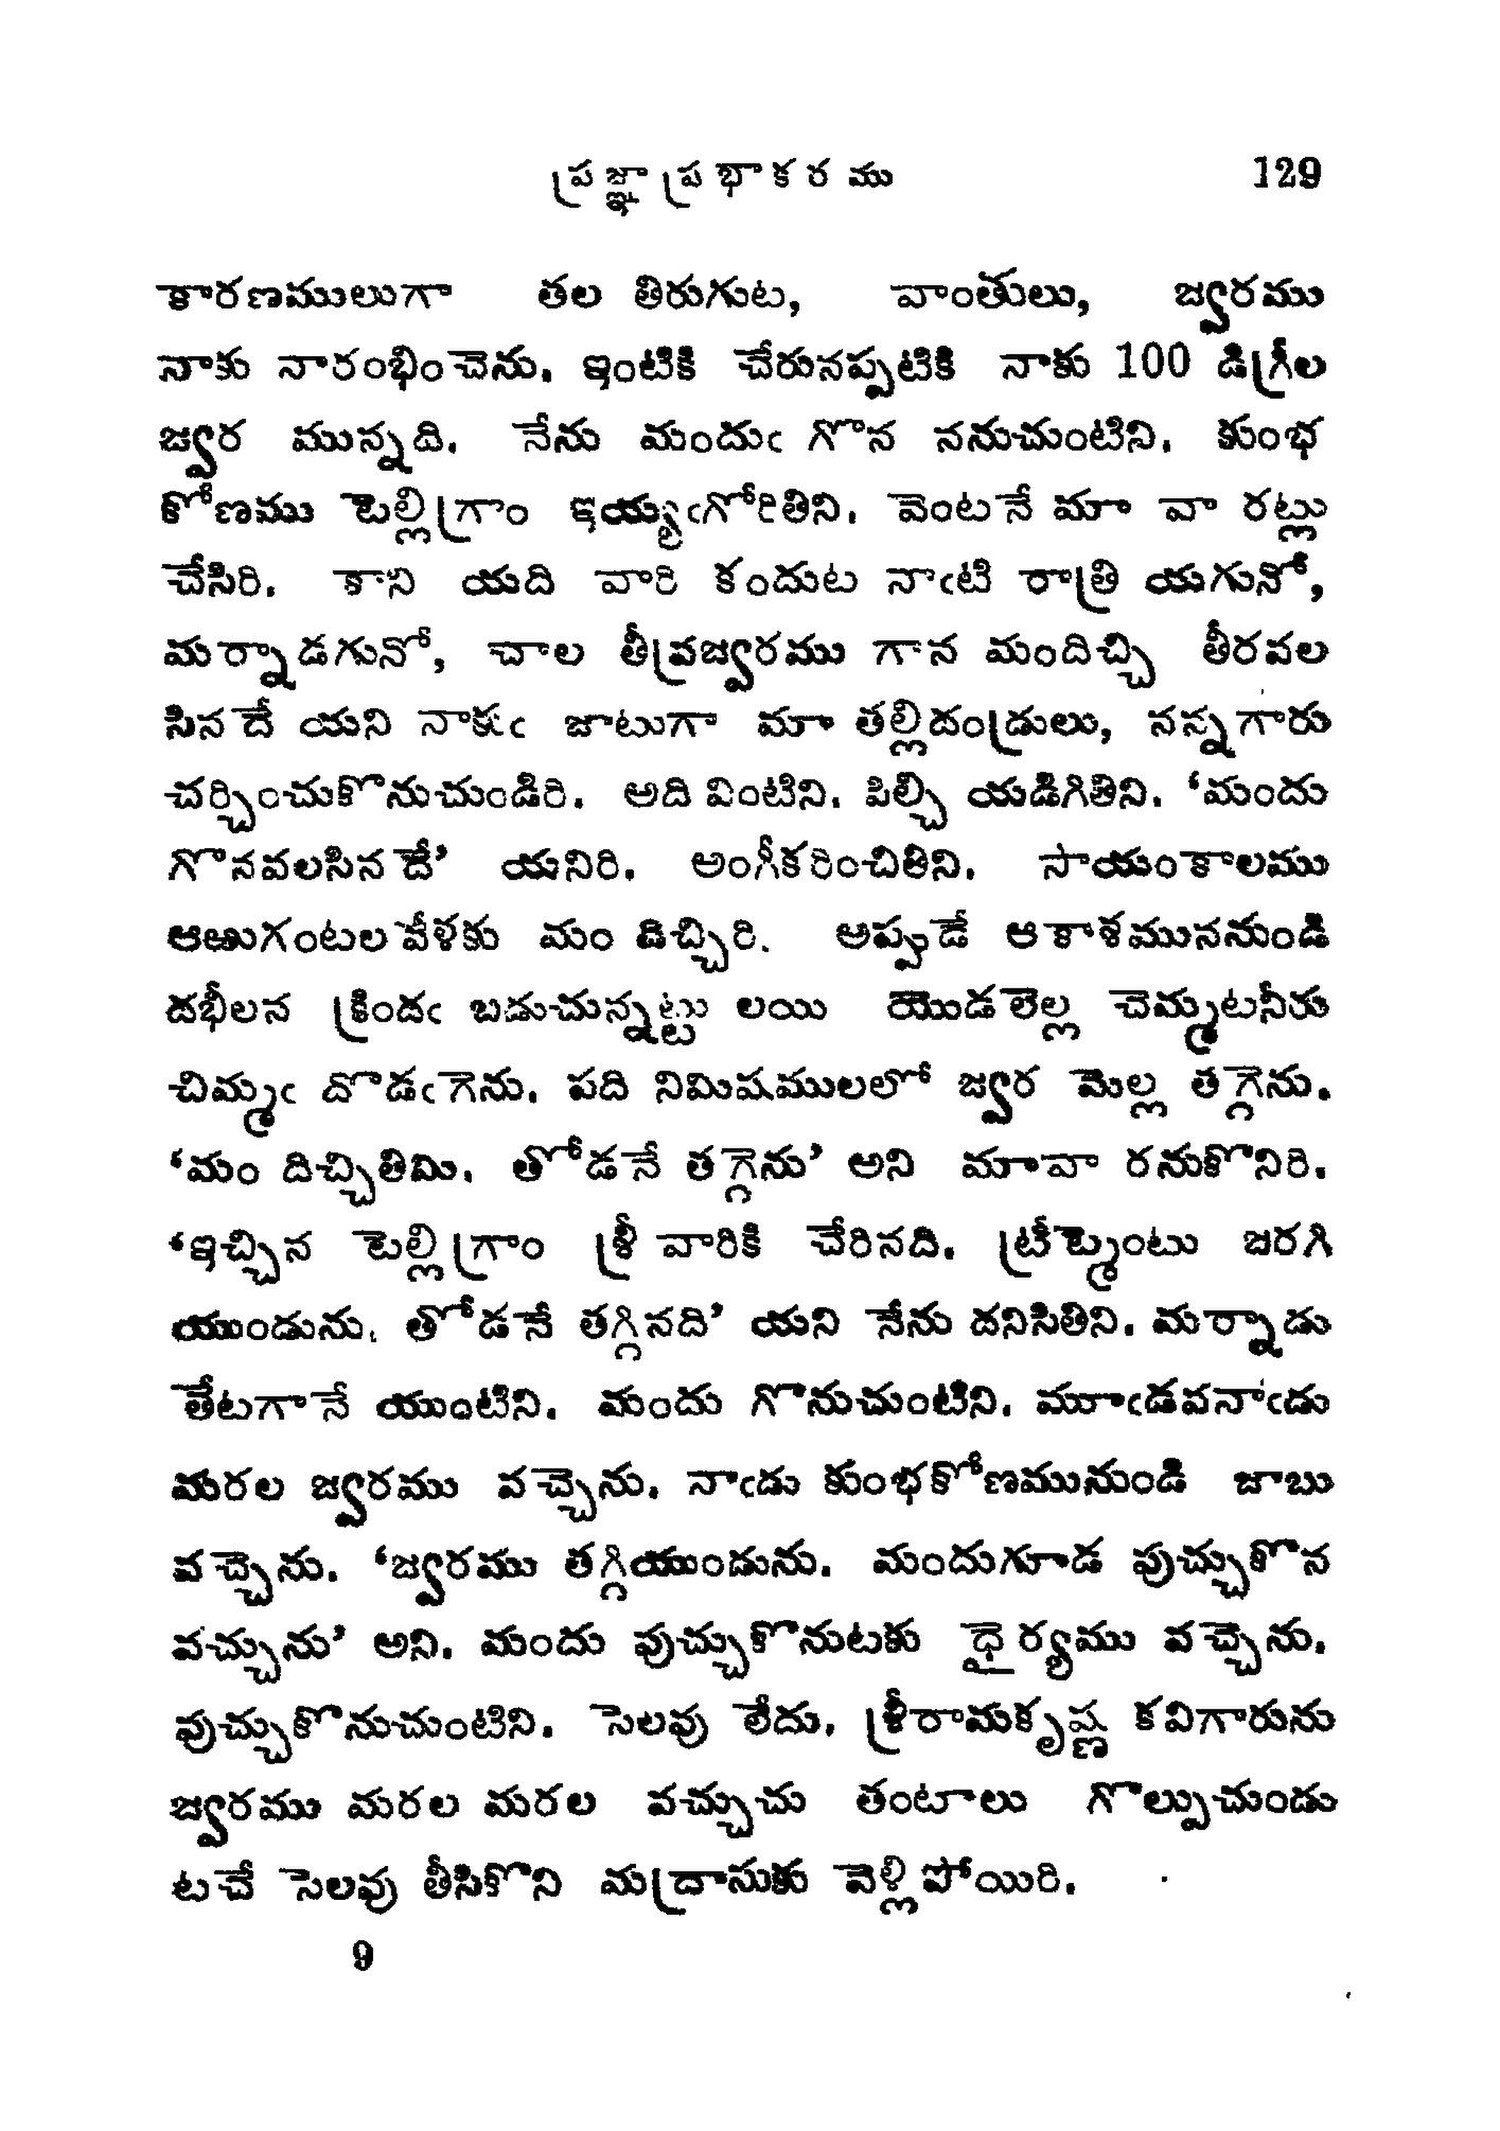కారణములుగా తల తిరుగుట, వాంతులు, జ్వరము నాకు నారంభించెను. ఇంటికి చేరు నప్పటికి నాకు 100 డిగ్రీల జ్వరమున్నది. నేను మందుఁ గొన ననుచుంటిని. కుంభకోణము టెల్లిగ్రాం ఇయ్యఁ గోరితిని. వెంటనే మా వా రట్లు చేసిరి. కాని యది వారి కందుట నాఁటి రాత్రి యగునో, మర్నాడగునో, చాల తీవ్రజ్వరము గాన మందిచ్చి తీర వలసిన దే యని నాకుఁ జాటుగా మా తల్లిదండ్రులు, నన్నగారు చర్చించుకొనుచుండిరి. అది వింటిని పిల్చి యడిగితిని.' మందు గొన వలసినదే' యనిరి. అంగీకరించితిని. సాయంకాలము ఆఱుగంటల వేళ కు మందిచ్చిరి. అప్పుడే ఆకాశమున నుండి దభీలున క్రిందఁ బడుచున్నట్టు లయి యొడ లెల్ల చెమ్మటనీరు చిమ్మఁ దొడఁ గెను. పది నిముషములలో జ్వర మెల్లతగ్గెను.' మంది చ్చితిమి. తోడనే తగ్గెను' అని మావారనుకొనిరి.' ఇచ్చిన టెల్ల్లిగ్రాం శ్రీవారికి చేరినది. ట్రీట్మేంటు జరగియుండును. తోడనే తగ్గినది' యని నేను దనిసితిని. మర్నాడు తేటగానే యుంటిని. మందు గొనుచుంటిని. మూఁ డ వనాఁడు మరల జ్వరము వచ్చెను. నాఁ డు కుంభకోణము నుండి జాబు వచ్చెను.' జ్వరము తగ్గియుండును. మందు గూడ పుచ్చుకొన వచ్చును, అని. మందు పుచ్చుకొనుటకు దైర్యము వ చ్చెను. పుచ్చు కొనుచుంటిని. సెలవు లేదు. శ్రీ రామకృష్ణ కవిగారును జ్వరము మరల మరల వచ్చును తంటాలు గొల్పుచుండుట చే సెలవు తీసికొని మద్రాసుకు వెళ్ళిపోయిరి.